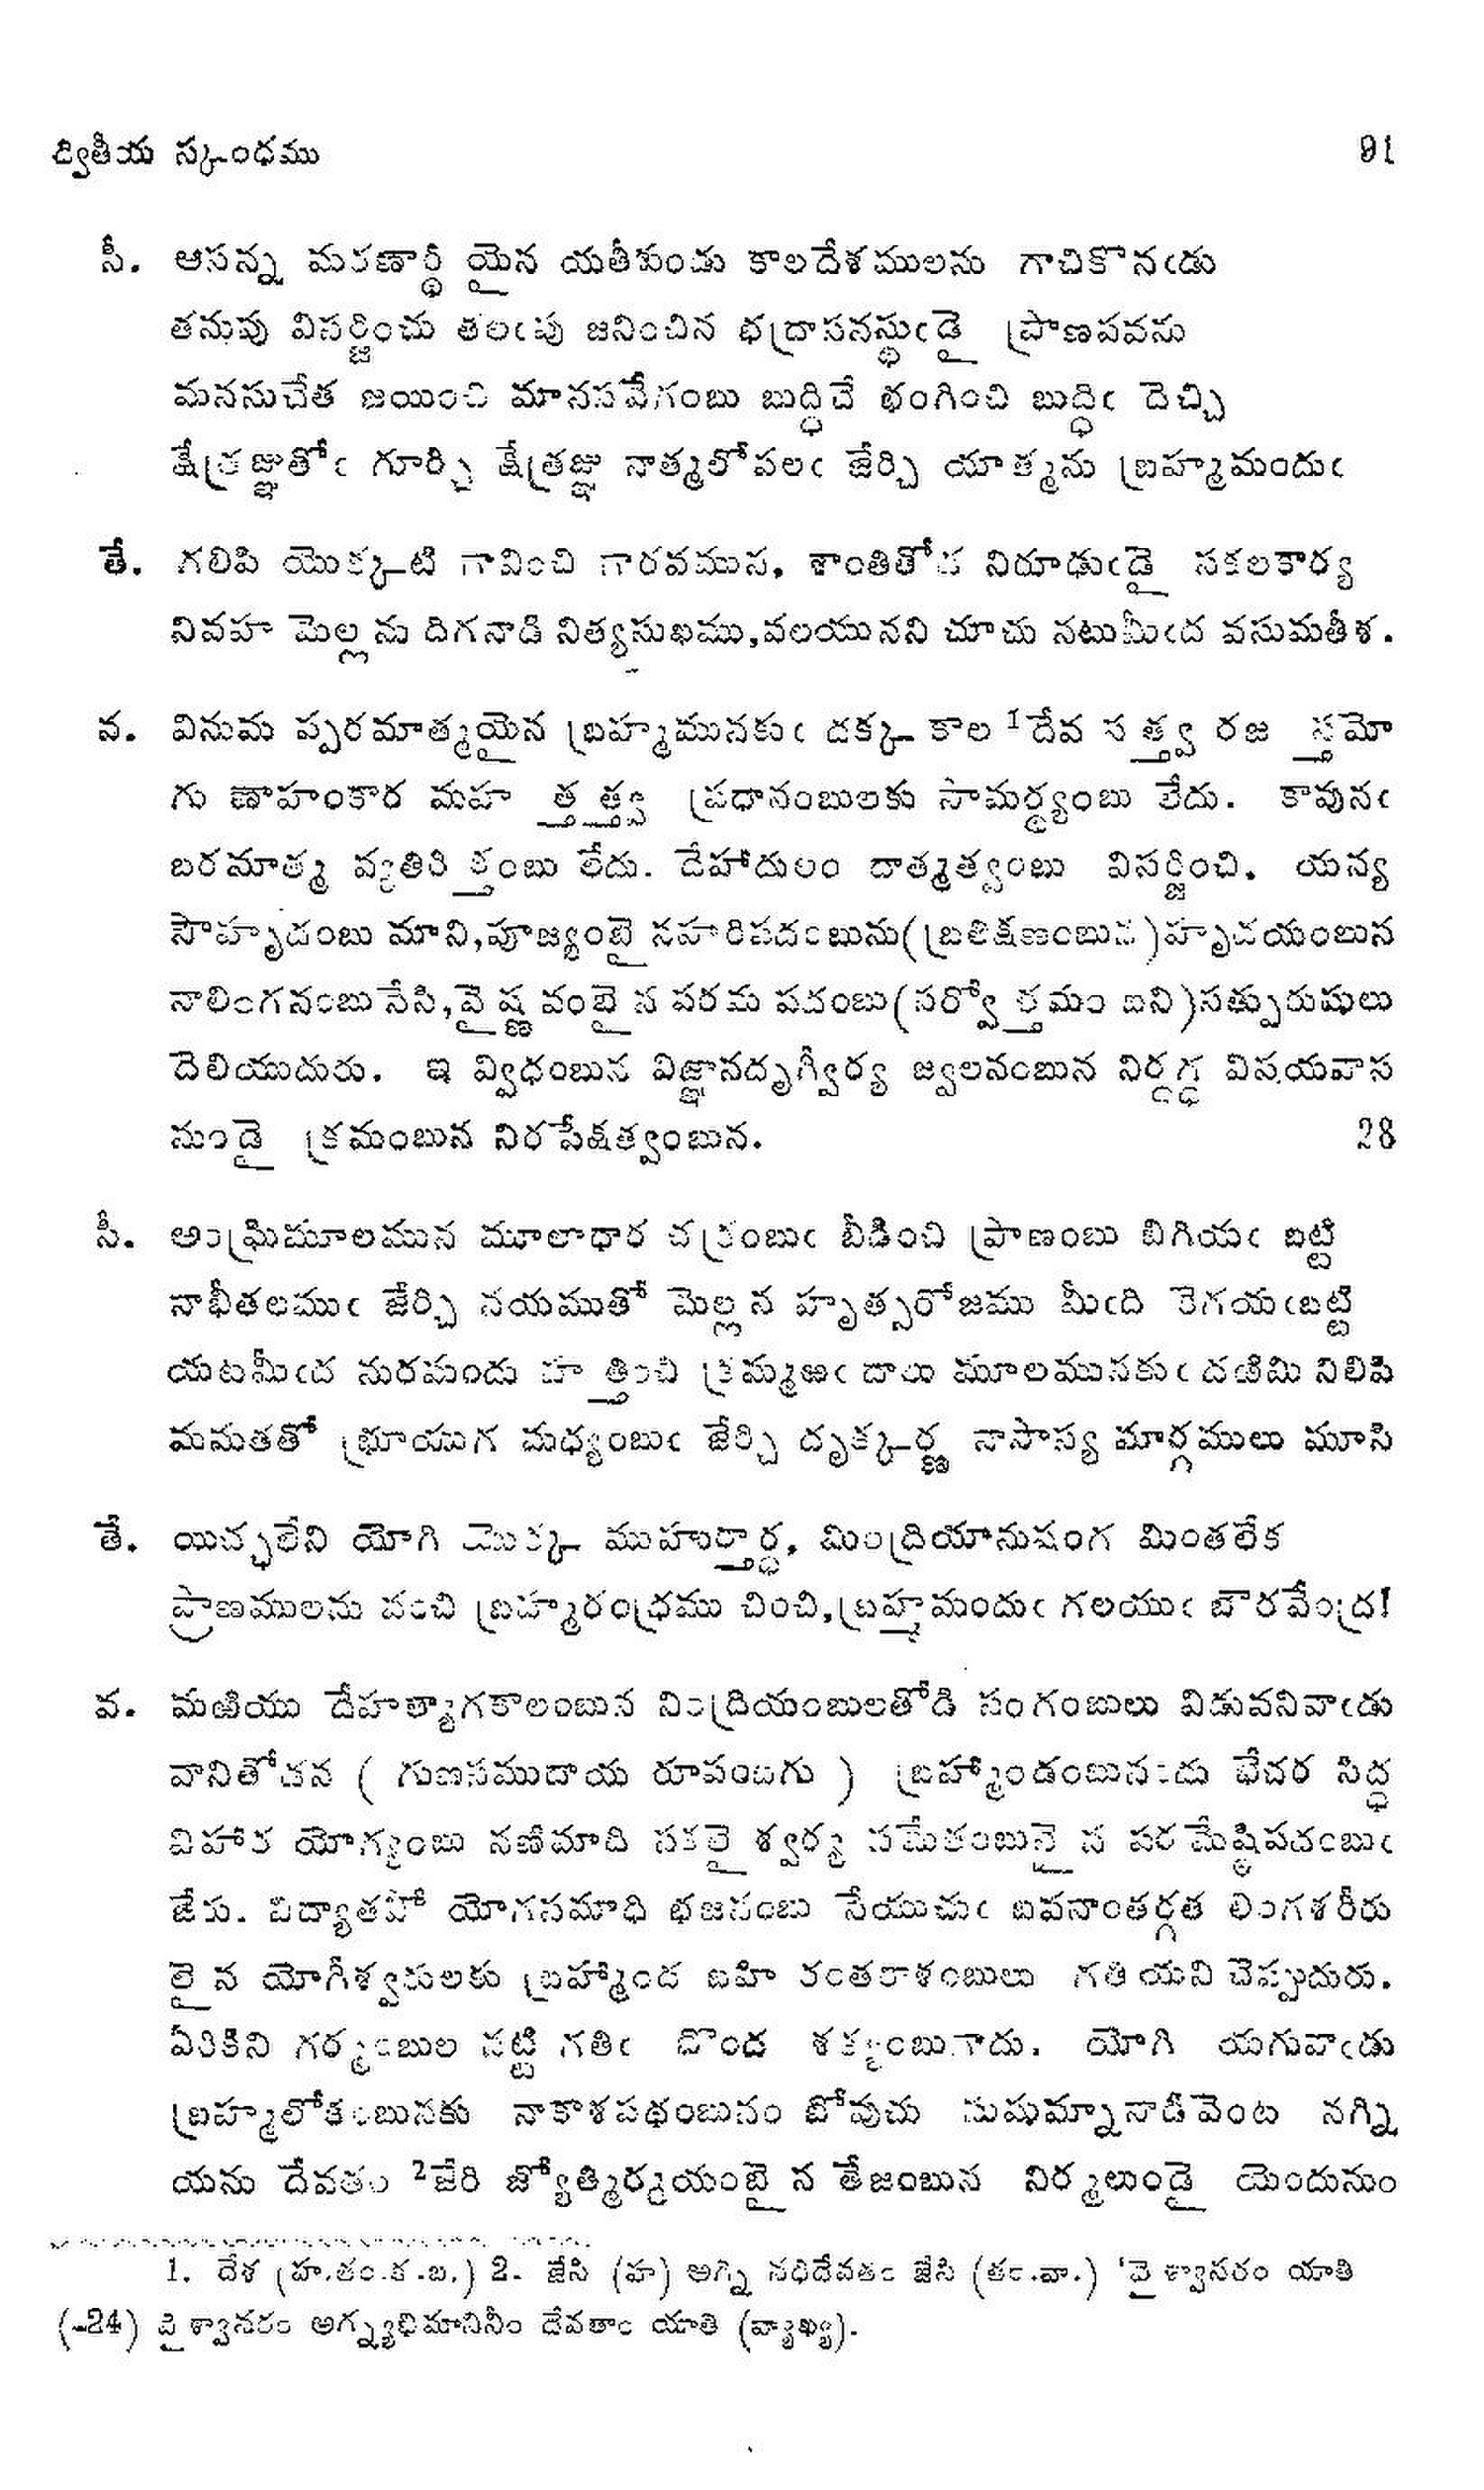91

సీ. ఆసన్న మరణార్థి యైన యతీశుండు కాలదేశములను గాచికొనఁడు

తనువు విసర్జించు తలఁపు జనించిన భద్రాసనౌస్థుఁడై ప్రాణపవను

మనసుచేత జయించి మానసవేగంబు బుద్ధిచే భంగించి బుద్ధిఁ దెచ్చి

క్షేత్రజ్ఞుతోఁ గూర్చి క్షేత్రజ్ఞు నాత్మలోపలఁ యాత్మను బ్రహ్మమందుఁ 

తే. గలిపి యొక్కటి గారవమున, శాంతితోడ నిరూఢుఁడై సకలకార్య

నివహ మెల్లను దిగనాడి నిత్యసుఖము; నలయునని చూచు నటుమీఁద వసుమతీశ. (27)

వ. వినుమ ప్పరమాత్మయైన బ్రహ్మమునకుఁ దక్కకాల దేవ సత్త్వ రజ స్తమోగుణాహంకార నహత్తత్త్వ ప్రధానంబులకు సామర్థ్యంబు లేదు. కావునఁ బరమాత్మ వ్యతిరిక్తంబు

లేదు. దేహాదులం దాత్మత్వంబు విసర్జించి, యన్యసౌహృసంబు మాని, పూజ్యంబైన హరిపదంబున ( బ్రతిక్షణంనున) హృదయంబున నాలింగనంబుసేసి, వైష్ణవంబైన పరమ
 
పదంబు ( సర్వోత్తమం బని ) సత్పురుషులు దెలియుదురు. ఇవ్విధంబున విజ్ఞానదృగ్వీర్య జ్వలనంబున నిర్దగ్ధ విషయవాస నుండై క్రమంబున నిరపేక్షత్వంబున (28) 

సీ. ఆంఘ్రిమూలమున మూలధార చక్రంబుఁ బీడించి ప్రాణంబు బిగియఁ బట్టి

నాభీతలముఁజేర్చి నయముతో మెల్లన హృత్సరోజము మీఁది కెగయఁబట్టి

యఈమీఁద నురమందు హత్తించి క్రమ్మఱఁదాలు మూలమునకుఁ దఱిమి నిలిపి

మమతతో భ్రూయుగ మధ్యంబుఁ జేర్చి దృక్కర్ణ నాసాస్య మార్గములు మూసి 

తే. యిచ్ఛలేని యోగ యొక్క ముహూర్తార్థ, మింద్రియానుషంగ మింతలేక

ప్రాణములను వంచి బ్రహ్మరంధ్రము చించి, బ్రహ్మమందుఁ గలియుఁ కౌరవేంద్ర ! ( 29 )

వ. మఱియు దేహత్యాగకాలంబున నింద్రియంబులతోడి సంగంబులు విడువనివాఁడు వానితోడన ( గణసముదాయ రూపంబుగు ) బ్రహ్మాండంబునందు ఖేచర సిద్ధి విహార 

యోగ్యంబు నణిమాది సకలైశ్వర్య సమేతంబునైన పరమేష్టిపదంబుఁ జేరు. విద్యాతపో యోగసమాధి భజనంబు సేయుచుఁ బవనాంతర్గత లింగశరీరులైన యోగీశ్వరులకు

బ్రహ్మాండ బహిరంతరాళంబులు గతి యని చెప్పదురు. ఏరికిని గర్మంబుల నట్టి గతిఁ బొంద శక్యంబుగాదు. యోగి యగువాఁడు బ్రహ్మలోకంబునకు నాకాశపథంబునం 

బోవుచు సుషుమ్నానాడివెంట నగ్నియను దేవతంజేరి జ్యోత్మిర్మయంబైన తేజంబున నిర్మలుండీ